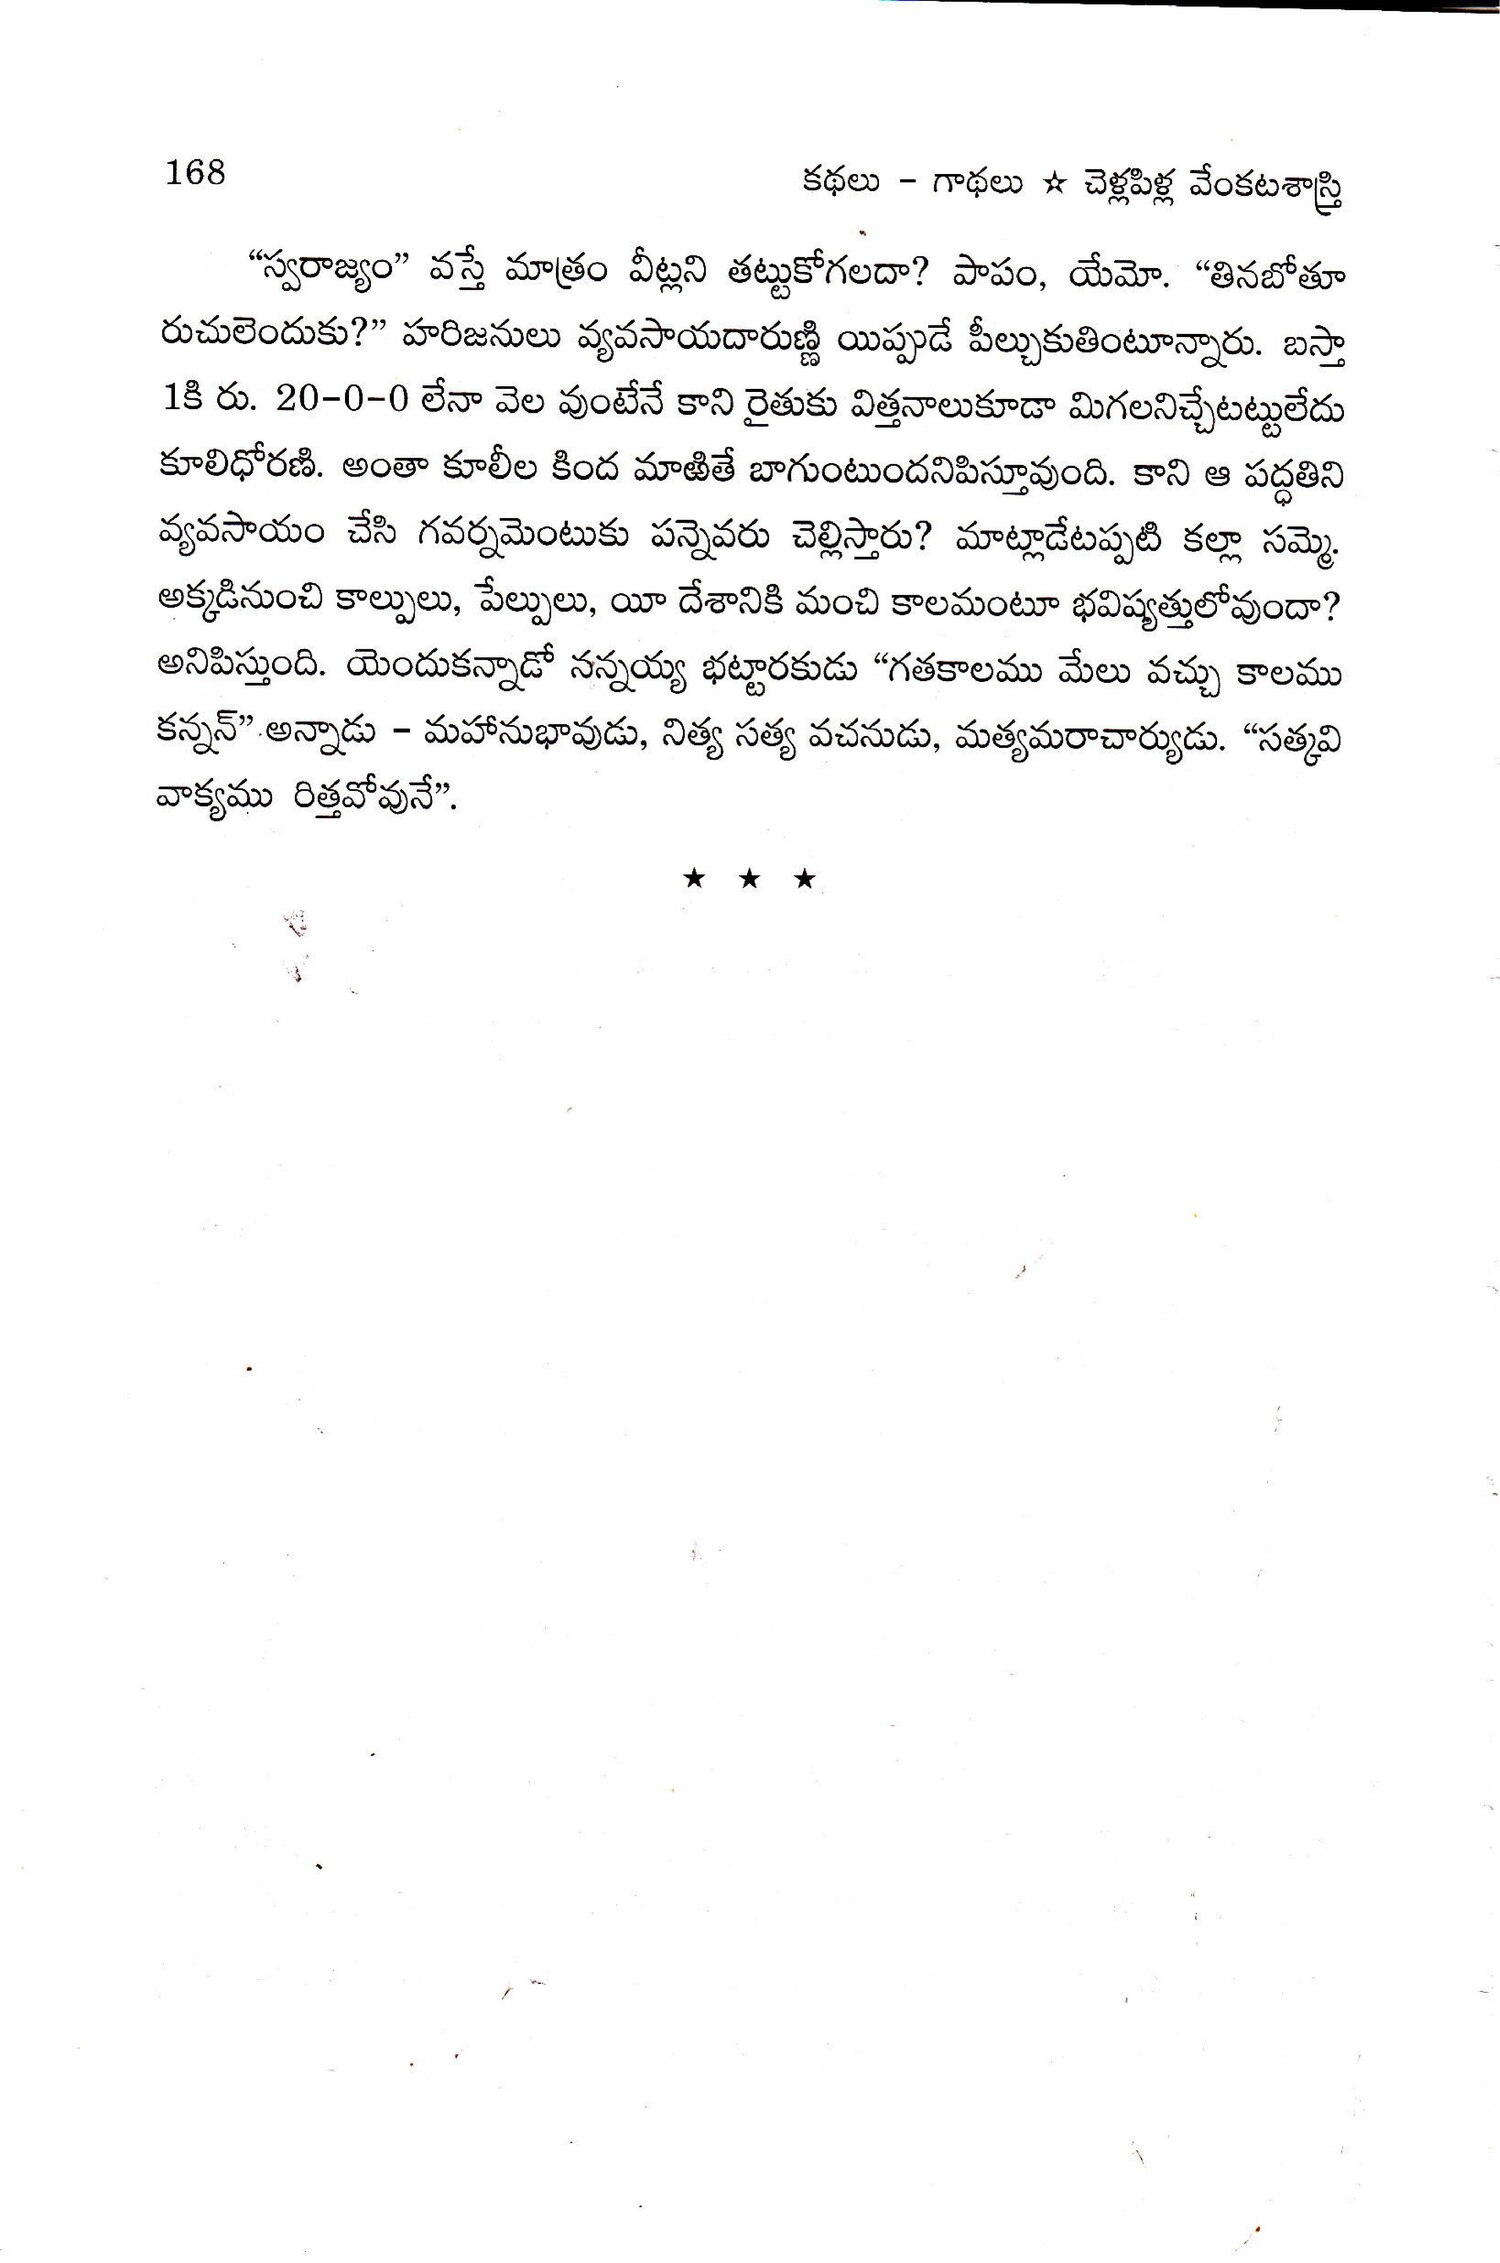"స్వరాజ్యం" వస్తే మాత్రం వీట్లని తట్టుకోగలదా? పాపం, యేమో. “తినబోతూ రుచులెందుకు?" హరిజనులు వ్యవసాయదారుణ్ణి యిప్పుడే పీల్చుకుతింటూన్నారు. బస్తా 1కి రు. 20–0–0 లేనా వెల వుంటేనే కాని రైతుకు విత్తనాలుకూడా మిగలనిచ్చేటట్టులేదు కూలిథోరణి. అంతా కూలీల కింద మాఱితే బాగుంటుందనిపిస్తూవుంది. కాని ఆ పద్ధతిని వ్యవసాయం చేసి గవర్నమెంటుకు పన్నెవరు చెల్లిస్తారు? మాట్లాడేటప్పటి కల్లా సమ్మె .అక్కడినుంచి కాల్పులు, పేల్పులు, యీ దేశానికి మంచి కాలమంటూ భవిష్యత్తులోవుందా? అనిపిస్తుంది. యెందుకన్నాడో నన్నయ్య భట్టారకుడు "గతకాలము మేలు వచ్చు కాలము కన్నన్" అన్నాడు – మహానుభావుడు, నిత్య సత్య వచనుడు, మత్యమరాచార్యుడు. “సత్కవి వాక్యము రిత్తవోవునే".